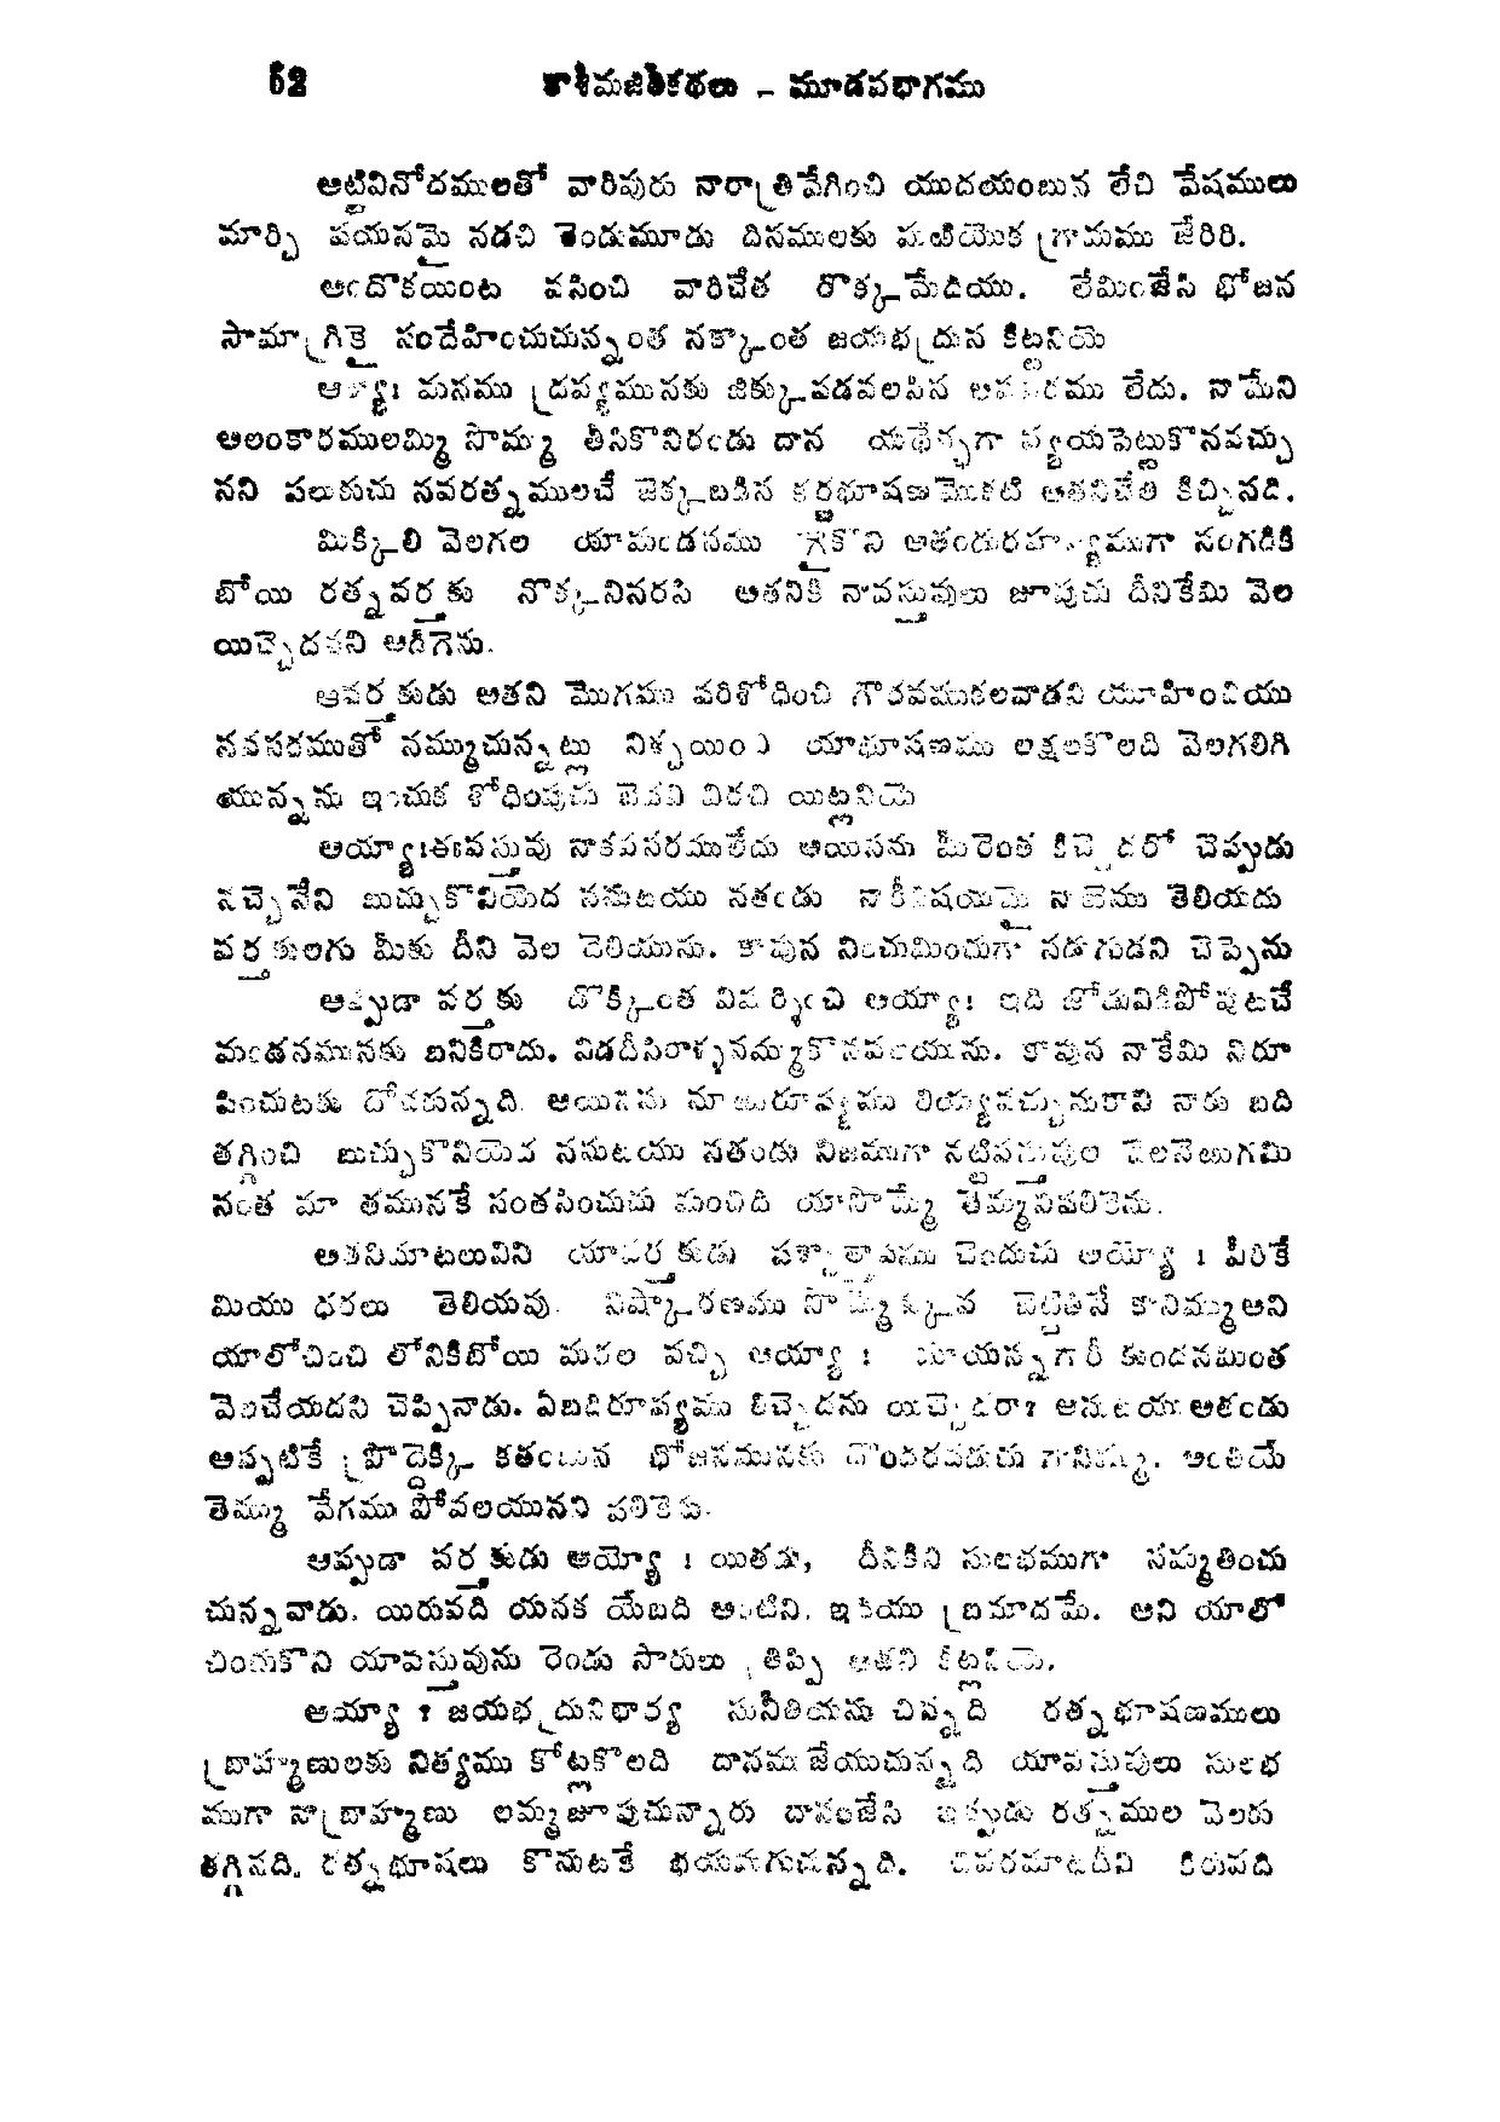అట్టివినోదములతో వారివురు నారాత్రి వేగించి యుదయంబున లేచి వేషములు మార్చి పయనమై నడచి రెండుమూడు దినములకు మఱియొక గ్రామము జేరిరి.

అందొకయింట వసించి వారిచేత రొక్క మేదియు లేమింజేసి భోజనసామాగ్రికై సందేహించుచున్నంత నక్కాంత జరభద్రున కిట్టనియె.

ఆర్యా! మనము ద్రవ్యమునకు జిక్కుపడవలసిన అవసరము లేదు. నామేని అలంకారములమ్మి సొమ్ము తీసికొనిరండు దాన యథేచ్ఛగా వ్యయపెట్టుకొనవచ్చు నని పలుకుచు నవరత్నములచే జెక్కబడిన కర్ణభూషణమొకటి అతనిచేతి కిచ్చినది .

మిక్కిలి వెలగల యామండనము గైకొని అతండురహస్యముగా నంగడికి బోయి రత్నవర్తకు నొక్కనినరసి అతనికి నావస్తువులు జూపుచు దీనికేమి వెల యిచ్చెదవని అడిగెను.

ఆవర్తకుడు అతని మొగము పరిశోధించి గౌరవముకలవాడని యూహించియు నవసరముతో నమ్ముచున్నట్లు నిశ్చయించి యాభూషణము లక్షలకొలది వెలగలిగి యున్నను ఇంచుక శోధింపుచు బెదవి విరచి యిట్లనియె

అయ్యా! ఈవస్తువు నాకవసరములేదు. అయినను మీరెంత కిచ్చెదరో చెప్పుడు నచ్చెనేని బుచ్చుకొనియెద ననుటయు నతఁడు నా కీవిషయమ నాణెము తెలియదు వర్తకులగు మీకు దీని వెల దెలియును. కావున నించుమించుగా నడుగుడని చెప్పెను

ఆప్పుడా వర్తకు డొక్కింత విమర్శించి ఆయ్యా! ఇది జోడువిడిపోవుటచే మండనమునకు బనికిరాదు. విడదీసి రాళ్ళ నమ్ముకొనవలయును. కావున నాకేమి నిరూపించుటకు దోచకున్నది. అయినను నూఱురూప్యము లియ్యవచ్చునుకాని నాకు బది తగ్గించి బుచ్చుకొనియెద ననుటయు నతండు నిజముగా నట్టివస్తువుల వెలనెఱుగమి నంత మా త్రమునకే సంతసించుచు మంచిది యాసొమ్మే తెమ్మనిపలికెను.

అతనిమాటలువిని యావర్తకుడు పశ్చాత్తాపము చెందుచు అయ్యో! వీరికేమియు ధరలు తెలియవు. నిష్కారణము సొమ్మెక్కువ బెట్టితినే కానిమ్ముఅని యాలోచించి లోనికిబోయి మరల వచ్చి అయ్యా! మాయన్నగారీ కుందనమింత వెలచేయదని చెప్పినాడు. ఏబదిరూప్యము లిచ్చెదను యిచ్చెదరా? అనుటయు అతండు అప్పటికే ప్రొద్దెక్కి కతంబున భోజనమునకు దొందరపడుచు గానిమ్ము. అంతియే
తెమ్ము వేగము పోవలయునని పలికెను.

అప్పుడా వర్తకుడు అయ్యో! యితడు, దీనికిని సులభముగా సమ్మతించు చున్నవాడు. యిరువది యనక యేబది అంటిని. ఇదియు బ్రమాదమే. అని యాలోచించుకొని యావస్తువును రెండుసారులు తిప్పి అతని కిట్లనియె.

అయ్యా? జయభద్రునిభార్య సునీతియను చిన్నది. రత్నభూషణములు బ్రాహ్మణులకు నిత్యము కోట్లకొలది దానము జేయుచున్నది. యావస్తువులు సులభముగా నాబ్రాహ్మణు లమ్మజూపుచున్నారు. దానంజేసి ఇప్పుడు రత్నముల వెలకు తగ్గినది. రత్నభూషలు కొనుటకే భయమగుచున్నది. చివరమాట దీని కిరువది